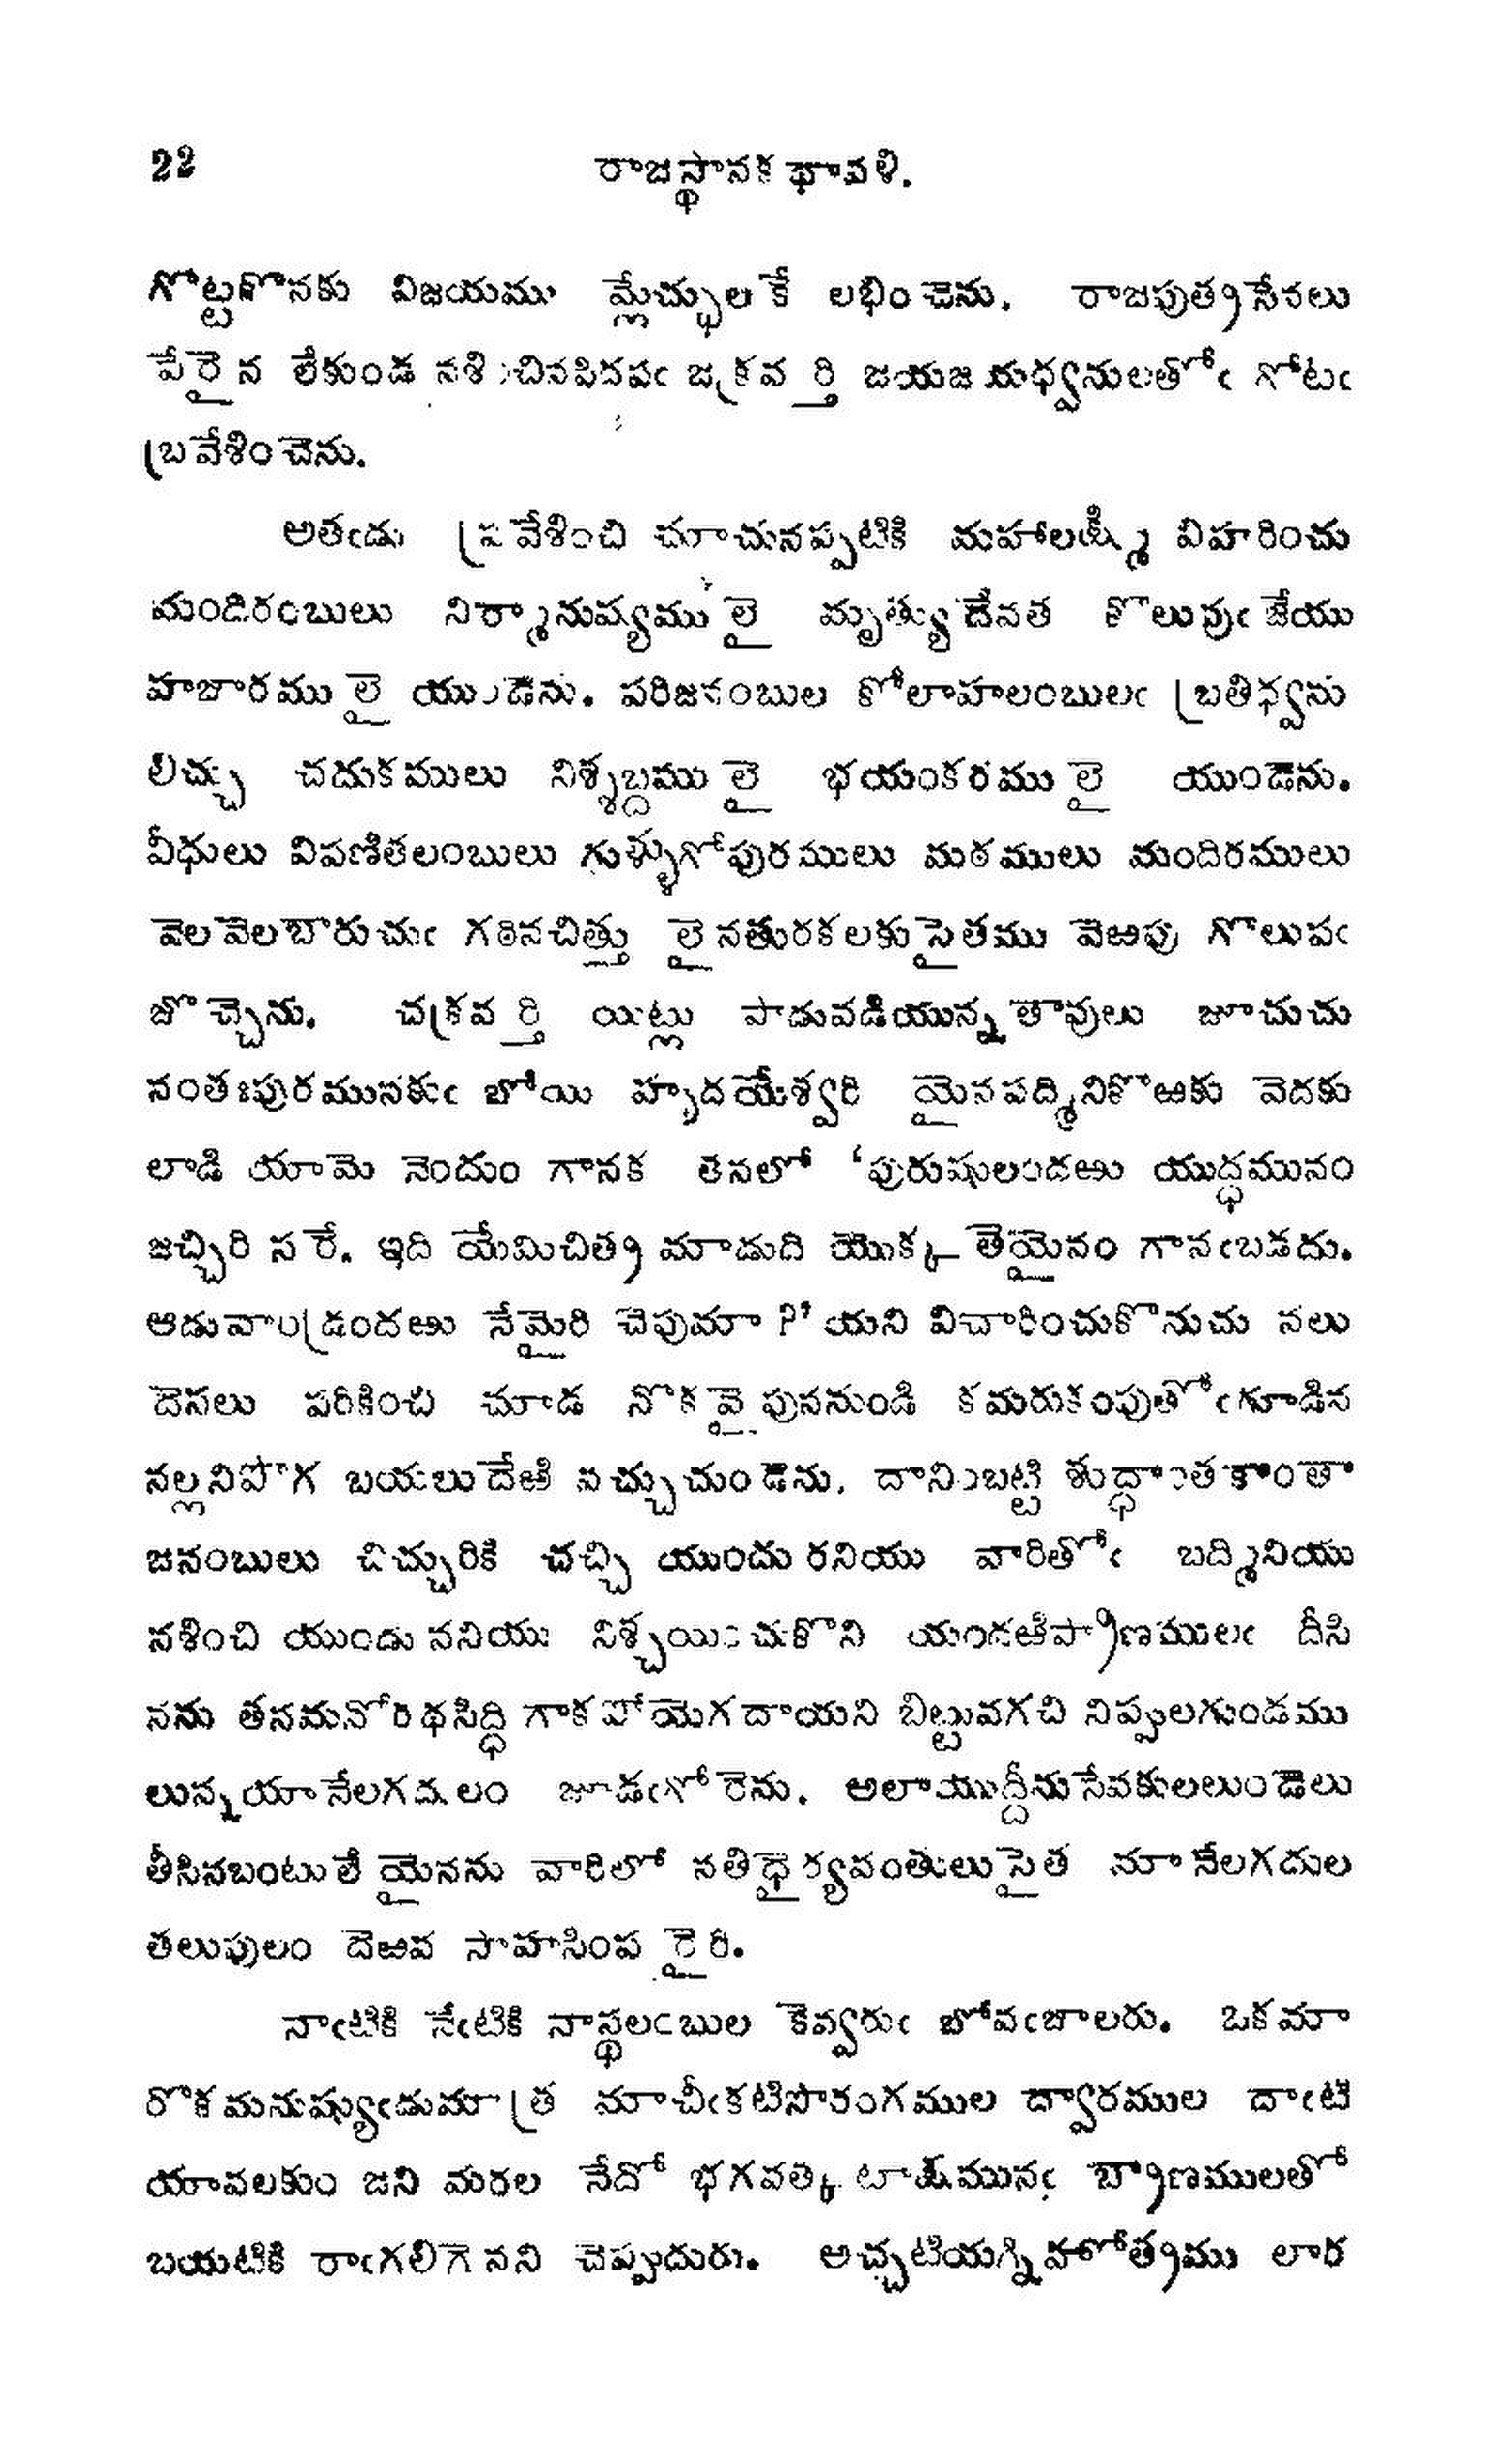గోట్టకొనకు విజయము మ్లేచ్ఛులకే లభించెను. రాజపుత సేనలు పేరైన లేకుండ నశించిన పిదపఁ జక్రవర్తి జయజయధ్వనులతో గోటఁ బ్రవేశించెను.

అతఁడు ప్రవేశించి చూచునప్పటికీ మహాలక్ష్మి విహరించు మందిరంబులు నిర్మానుష్యములై మృత్యుదేవత కొలువుఁ జేయు హజారములై యుండెను. పరిజనంబుల కోలాహలంబులఁ బ్రతిధ్వను లిచ్చు చదుకములు నిశ్శబ్దములై భయంకరములై యుండెను. వీధులు విపణీతలంబులు గుళ్ళు గోపురములు మఠములు మందిరములు వెల వెల బారుచుఁ గఠినచిత్తు లైన తురకలకు సైతము వేఱపు గొలుపఁ బొచ్చెను. చక్రవర్తి యిట్లు పాడువడియున్న తావులు జూచుచు నంతఃపురమునకుఁ బోయి హృదయేశ్వరి యైనపద్మినికో ఱకు వెదకులాడి యామె నెందుం గానక తనలో 'పురుషులందఱు యుద్ధమునం జచ్చిరి సరే, ఇది యేమిచిత్ర మాడుది యొక్క తెయైనం గానఁబడదు. ఆడువాండ్రందఱు నేమైరి చెపుమా ' యని విచారించుకొనుచు నలు
దెసలు పరికించి చూడ నొక వైపుననుండి కమరుకంపుతోఁ గూడిన నల్లనిపొగ బయలు దేఱి వచ్చుచుండెను. దానిం బట్టి శుద్ధాంత కాంతా జనంబులు చిచ్చురికి చచ్చి యుందు రనియు వారితోఁ బద్మినియు నశించి యుండు ననియు నిశ్చయించుకొని యందఱి ప్రాణములు దీసి నను తనమనోరథసిద్ధి గాకపోయెగదాయని
బిట్టువగచి నిప్పులగుండము లున్నయా నేలగదులం జూడఁగోరెను. అలా యుద్దీను సేవకులలుం డెలు
తీసినబంటు లే యైనను వారిలో నతి ధైర్యవంతులు సైత మా నేలగదుల తలుపులం దెఱవ సాహసింపరైరి.

నాటికి నేటికి నాస్థలఁ బుల కెవ్వరుఁ బోవఁజాలరు. ఒకమారోక మనుష్యుఁడుమాత్ర మాచీఁకటి సొరంగముల ద్వారముల దాఁటి యావలకుం జని మరల నేదో భగవత్కటాక్షమునఁ బ్రాణములతో బయటికి రాఁగలిగె నని చెప్పుదురు. అచ్చటియగ్ని హోత్రము లార